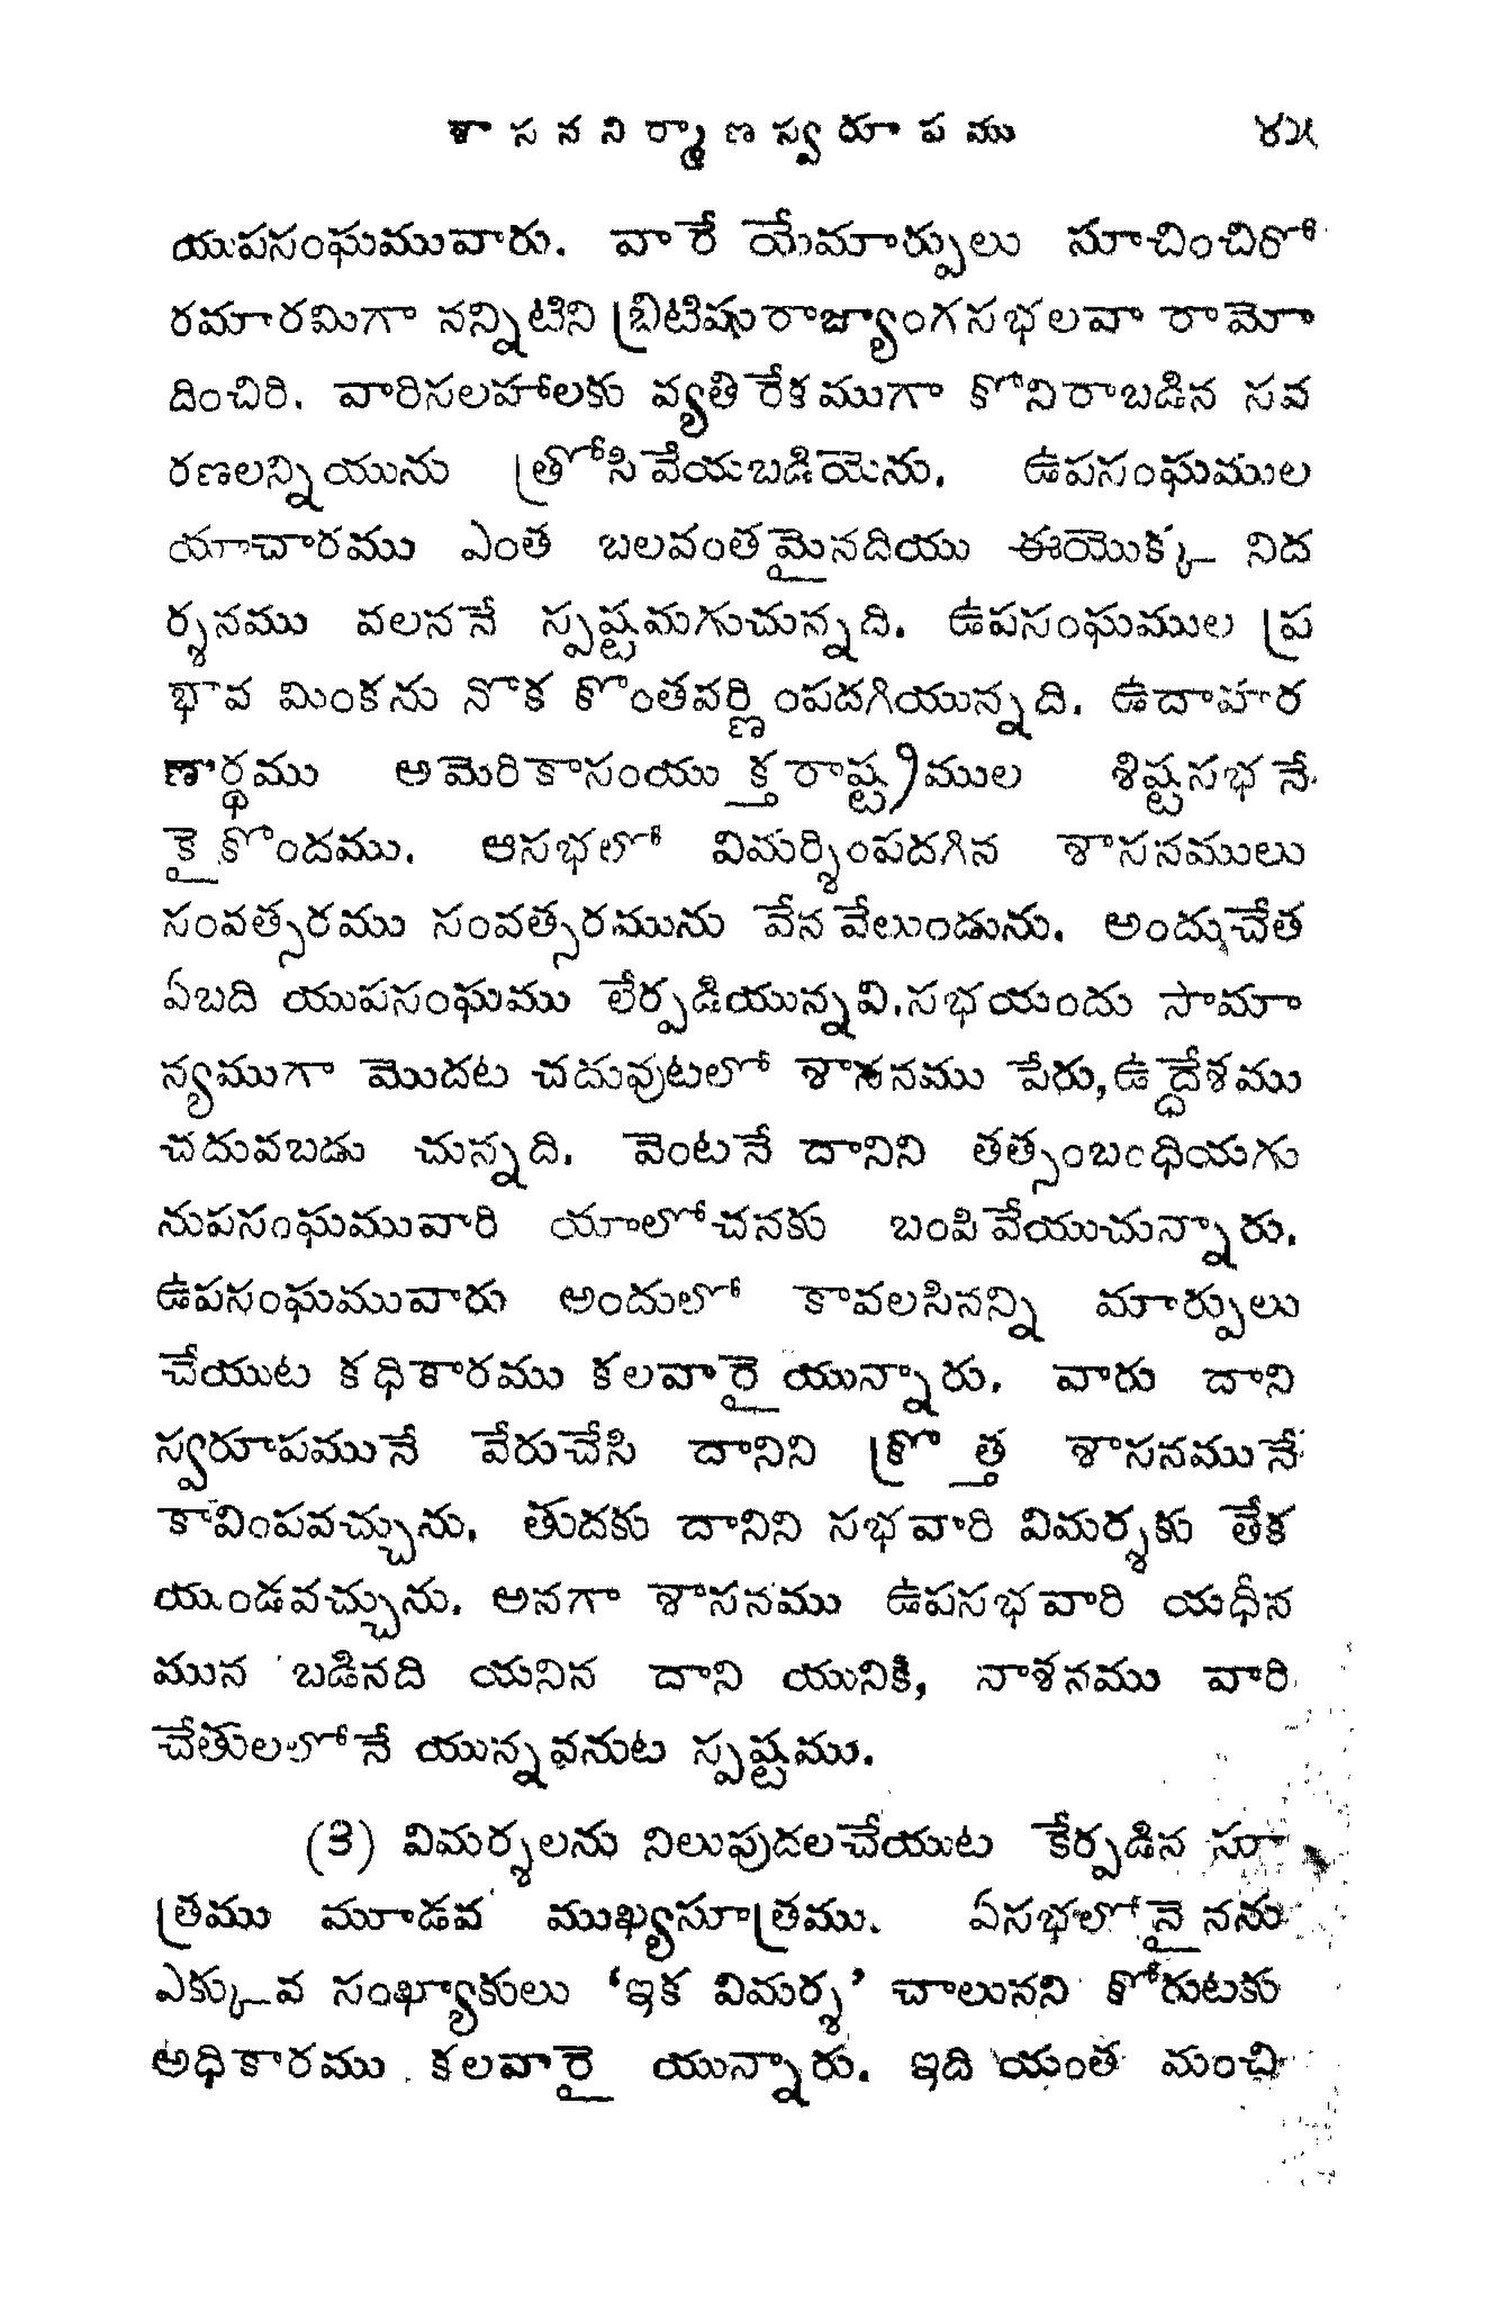యుపసంఘమువారు. వారే యేమార్పులు సూచించిరో రమారమిగా నన్నిటిని బ్రిటిషురాజ్యాంగ సభలవా రామోదించిరి. వారిసలహాలకు వ్యతిరేకముగా కొనిరాబడిన సవరణలన్నియును త్రోసివేయబడియెను. ఉపసంఘముల యాచారము ఎంత బలవంతమైనదియు ఈయొక్క నిదర్శనము వలననే స్పష్టమగుచున్నది. ఉపసంఘముల ప్రభావ మింకను నొక కొంతవర్ణింపదగి యున్నది. ఉదాహరణార్థము అమెరికాసంయుక్త రాష్ట్రముల శిష్టసభనే కైకొందము. ఆసభలో విమర్శింపదగిన శాసనములు సంవత్సరము సంవత్సరమును వేనవేలుండును. అందుచేత ఏబది యువసంఘము లేర్పడియున్నవి.సభయందు సామాన్యముగా మొదట చదువుటలో శాసనము పేరు, ఉద్దేశము చదువబడు చున్నది. వెంటనే దానిని తత్సంబంధియగు నుపసంఘమువారి యాలోచనకు బంపివేయుచున్నారు. ఉపసంఘమువారు అందులో కావలసినన్ని మార్పులు చేయుట కధికారము కలవారై యున్నారు. వారు దాని స్వరూపమునే వేరుచేసి దానిని క్రొత్త శాసనమునే
కావింపవచ్చును. తుదకు దానిని సభవారి విమర్శకు తేక యుండవచ్చును. అనగా శాసనము ఉపసభవారి యధీనమున బడినది యనిన దాని యునికి, నాశనము వారి చేతులలోనే యున్నవనుట స్పష్టము.

(3) విమర్శలను నిలుపుదలచేయుట కేర్పడిన సూత్రము మూడవ ముఖ్యసూత్రము. ఏసభలోనైనను
ఎక్కువ సంఖ్యాకులు 'ఇక విమర్శ' చాలునని కోరుటకు అధికారము కలవారై యున్నారు. ఇది యంత మంచి